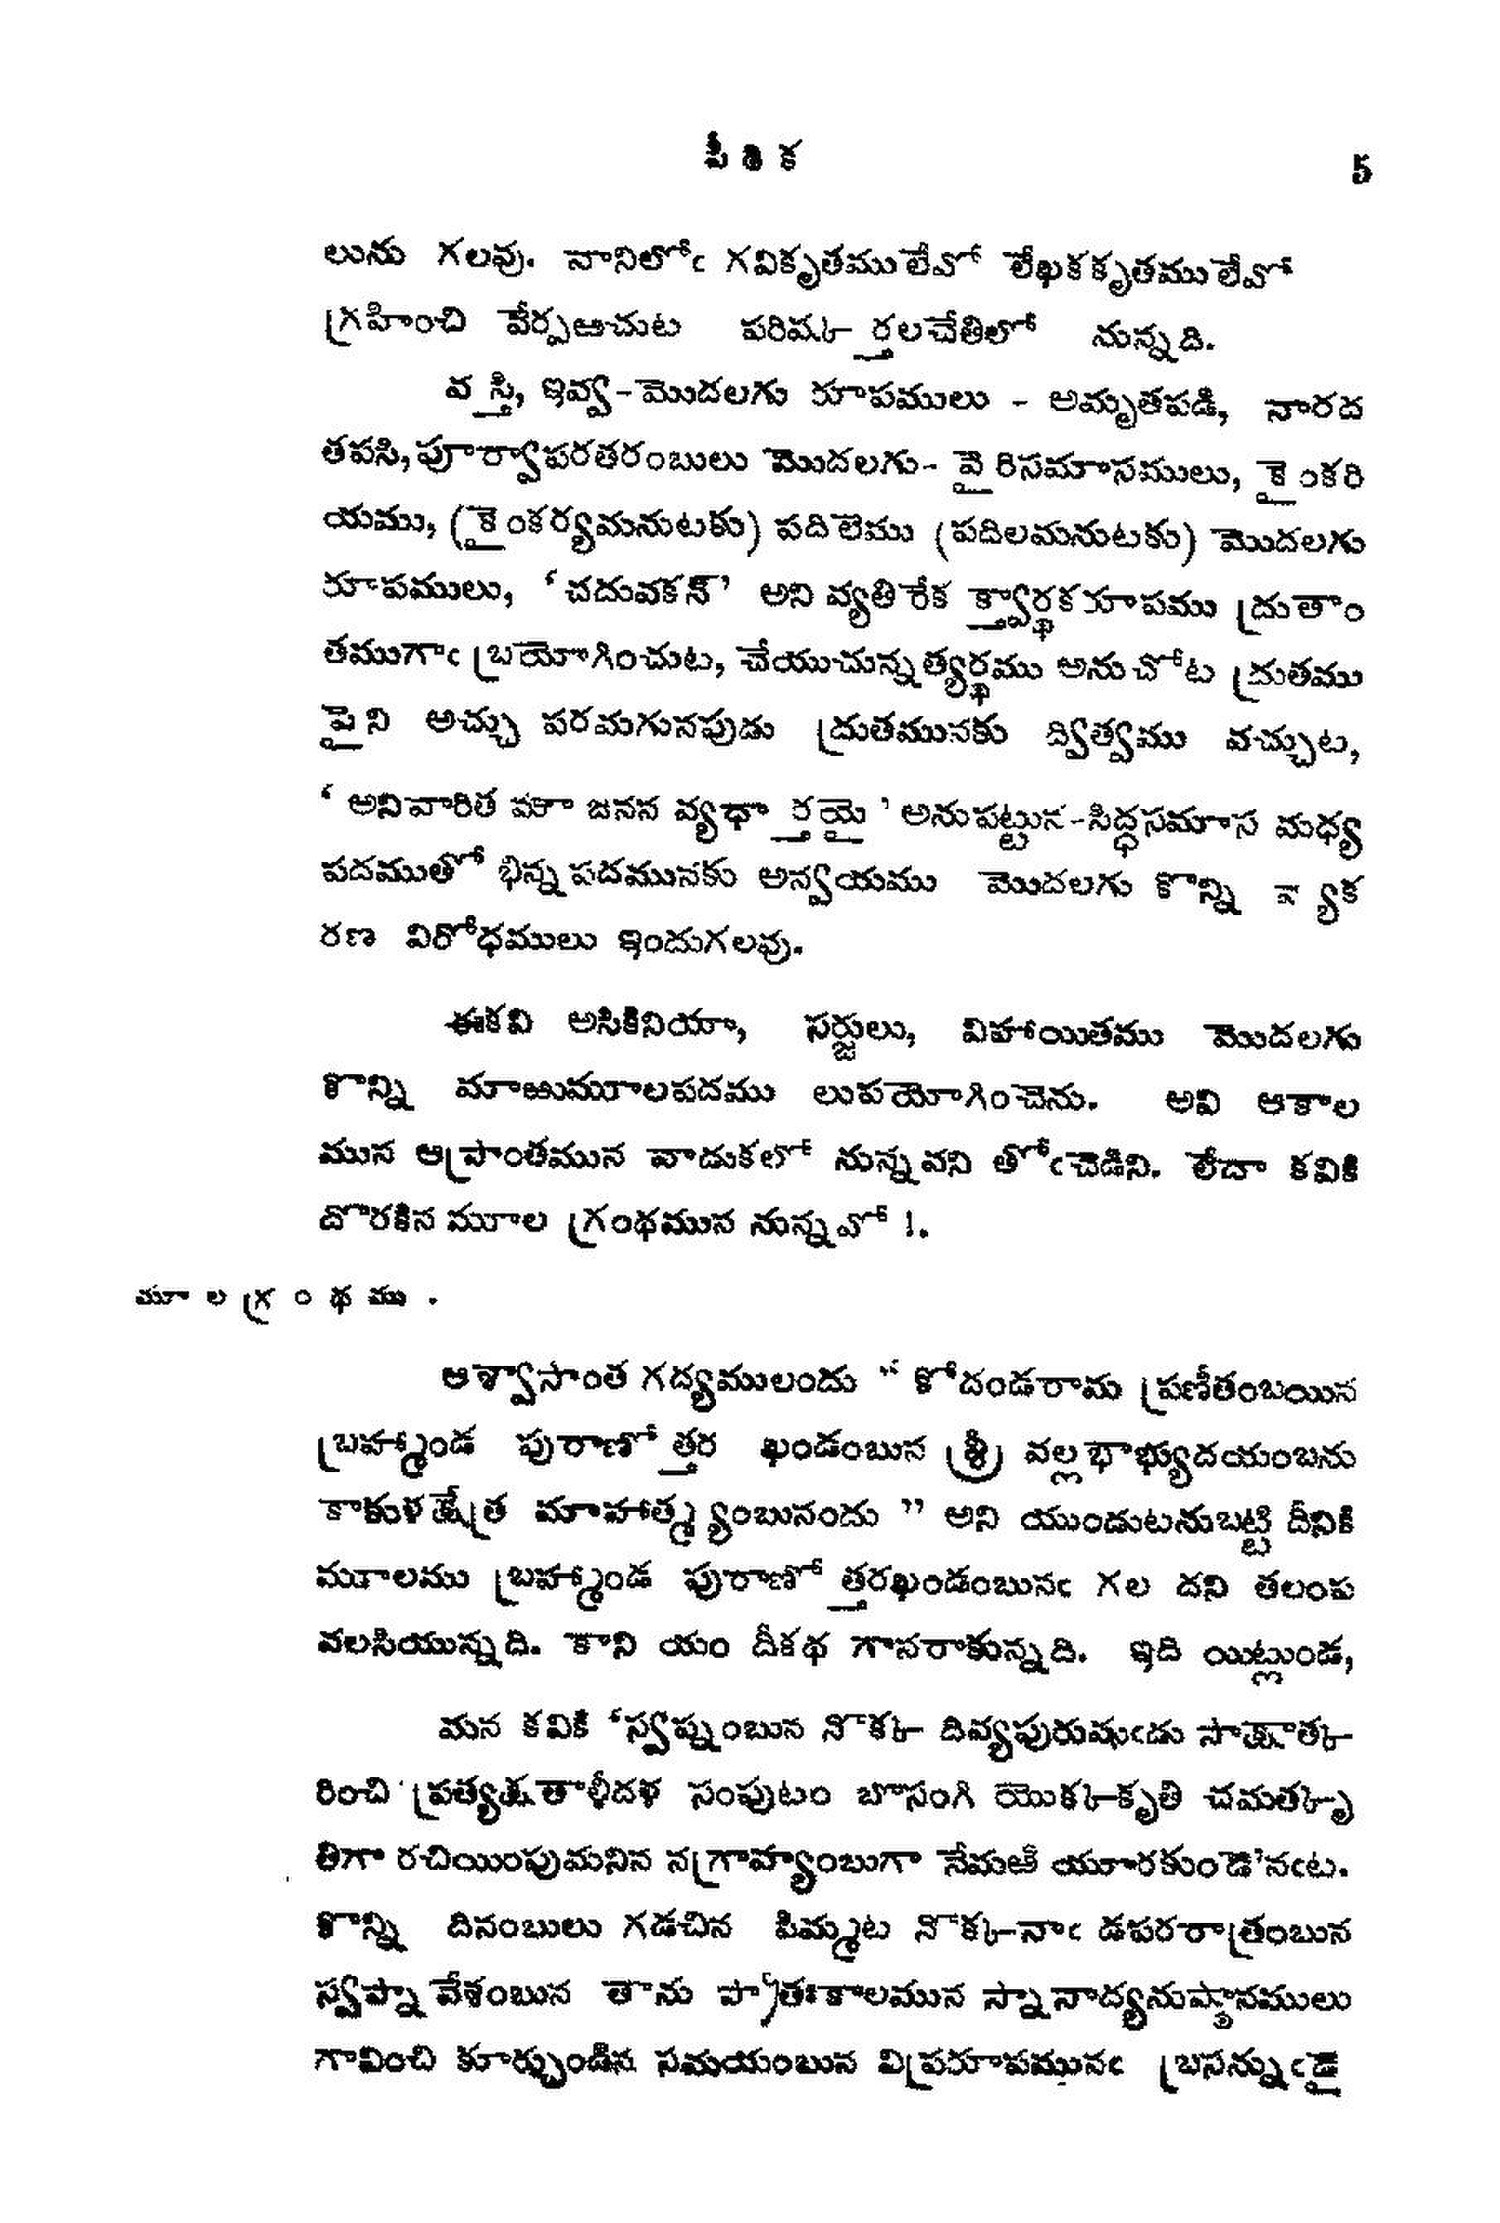లును గలవు. నానిలోఁ గవికృతములేవో లేఖకకృతములేవో గ్రహించి వేర్పఱచుట పరిష్కర్తలచేతిలో నున్నది.

వస్తి, ఇవ్వ-మొదలగు రూపములు - అమృతపడి, నారద తపసి, పూర్వాపరతరంబులు మొదలగు - వైరిసమాసములు, కైంకరియము, (కైంకర్యమనుటకు) పదిలెము (పదిలమనుటకు) మొదలగు రూపములు, 'చదువకన్' అని వ్యతిరేక క్త్వార్థక రూపము ద్రుతాంతముగాఁ బ్రయోగించుట, చేయుచున్నత్యర్థము అను చోట ద్రుతము పైని అచ్చు పరమగునపుడు ద్రుతమునకు ద్విత్వము వచ్చుట, అని వారిత మౌ జనన వ్యథార్తయై ' అనుపట్టున- సిద్ధసమాస మధ్య పదముతో భిన్న పదమునకు అన్వయము మొదలగు కొన్ని వ్యాకరణ విరోధములు ఇందుగలవు.

ఈకవి అసికినియా, సర్జులు, విహాయితము మొదలగు కొన్ని మాఱుమూలపదము లుపయోగించెను. అవి ఆకాలమున ఆప్రాంతమున వాడుకలో నున్నవని తోఁచెడిని. లేదా కవికి దొరకిన మూల గ్రంథమున నున్నవో !.

మూల గ్రంథము 

ఆశ్వాసాంత గద్యములందు " కోదండరామ ప్రణీతంబయిన బ్రహ్మాండ పురాణోత్తర ఖండంబున శ్రీ వల్ల భాభ్యుదయంబను
కాకుళ క్షేత్ర మాహాత్మ్యంబునందు "అని యుండుటను బట్టి దీనికి మూలము బ్రహ్మాండ పురాణో త్తరఖండంబునఁ గల దని తలంపవలసియున్నది. కాని యం దీకథ గానరాకున్నది. ఇది యిట్లుండ,

మన కవికీ 'స్వప్నంబున నొక్క దివ్యపురుషుఁడు సాక్షాత్కరించి ప్రత్యక్ష తాళీదళ సంపుటం బొసంగి యొక్క కృతి చమత్కృ
తిగా రచియింపుమనిన నగ్రాహ్యంబుగా నేమఱి యూరకుండే'నఁట. కొన్ని దినంబులు గడచిన పిమ్మట నొక్కనాఁ డపరరాత్రంబున స్వప్నా వేశంబున తాను ప్రాతఃకాలమున స్నానాద్యనుష్ఠానములు గావించి కూర్చుండిన సమయంబున విప్రరూపమునఁ బ్రసన్నుఁడై